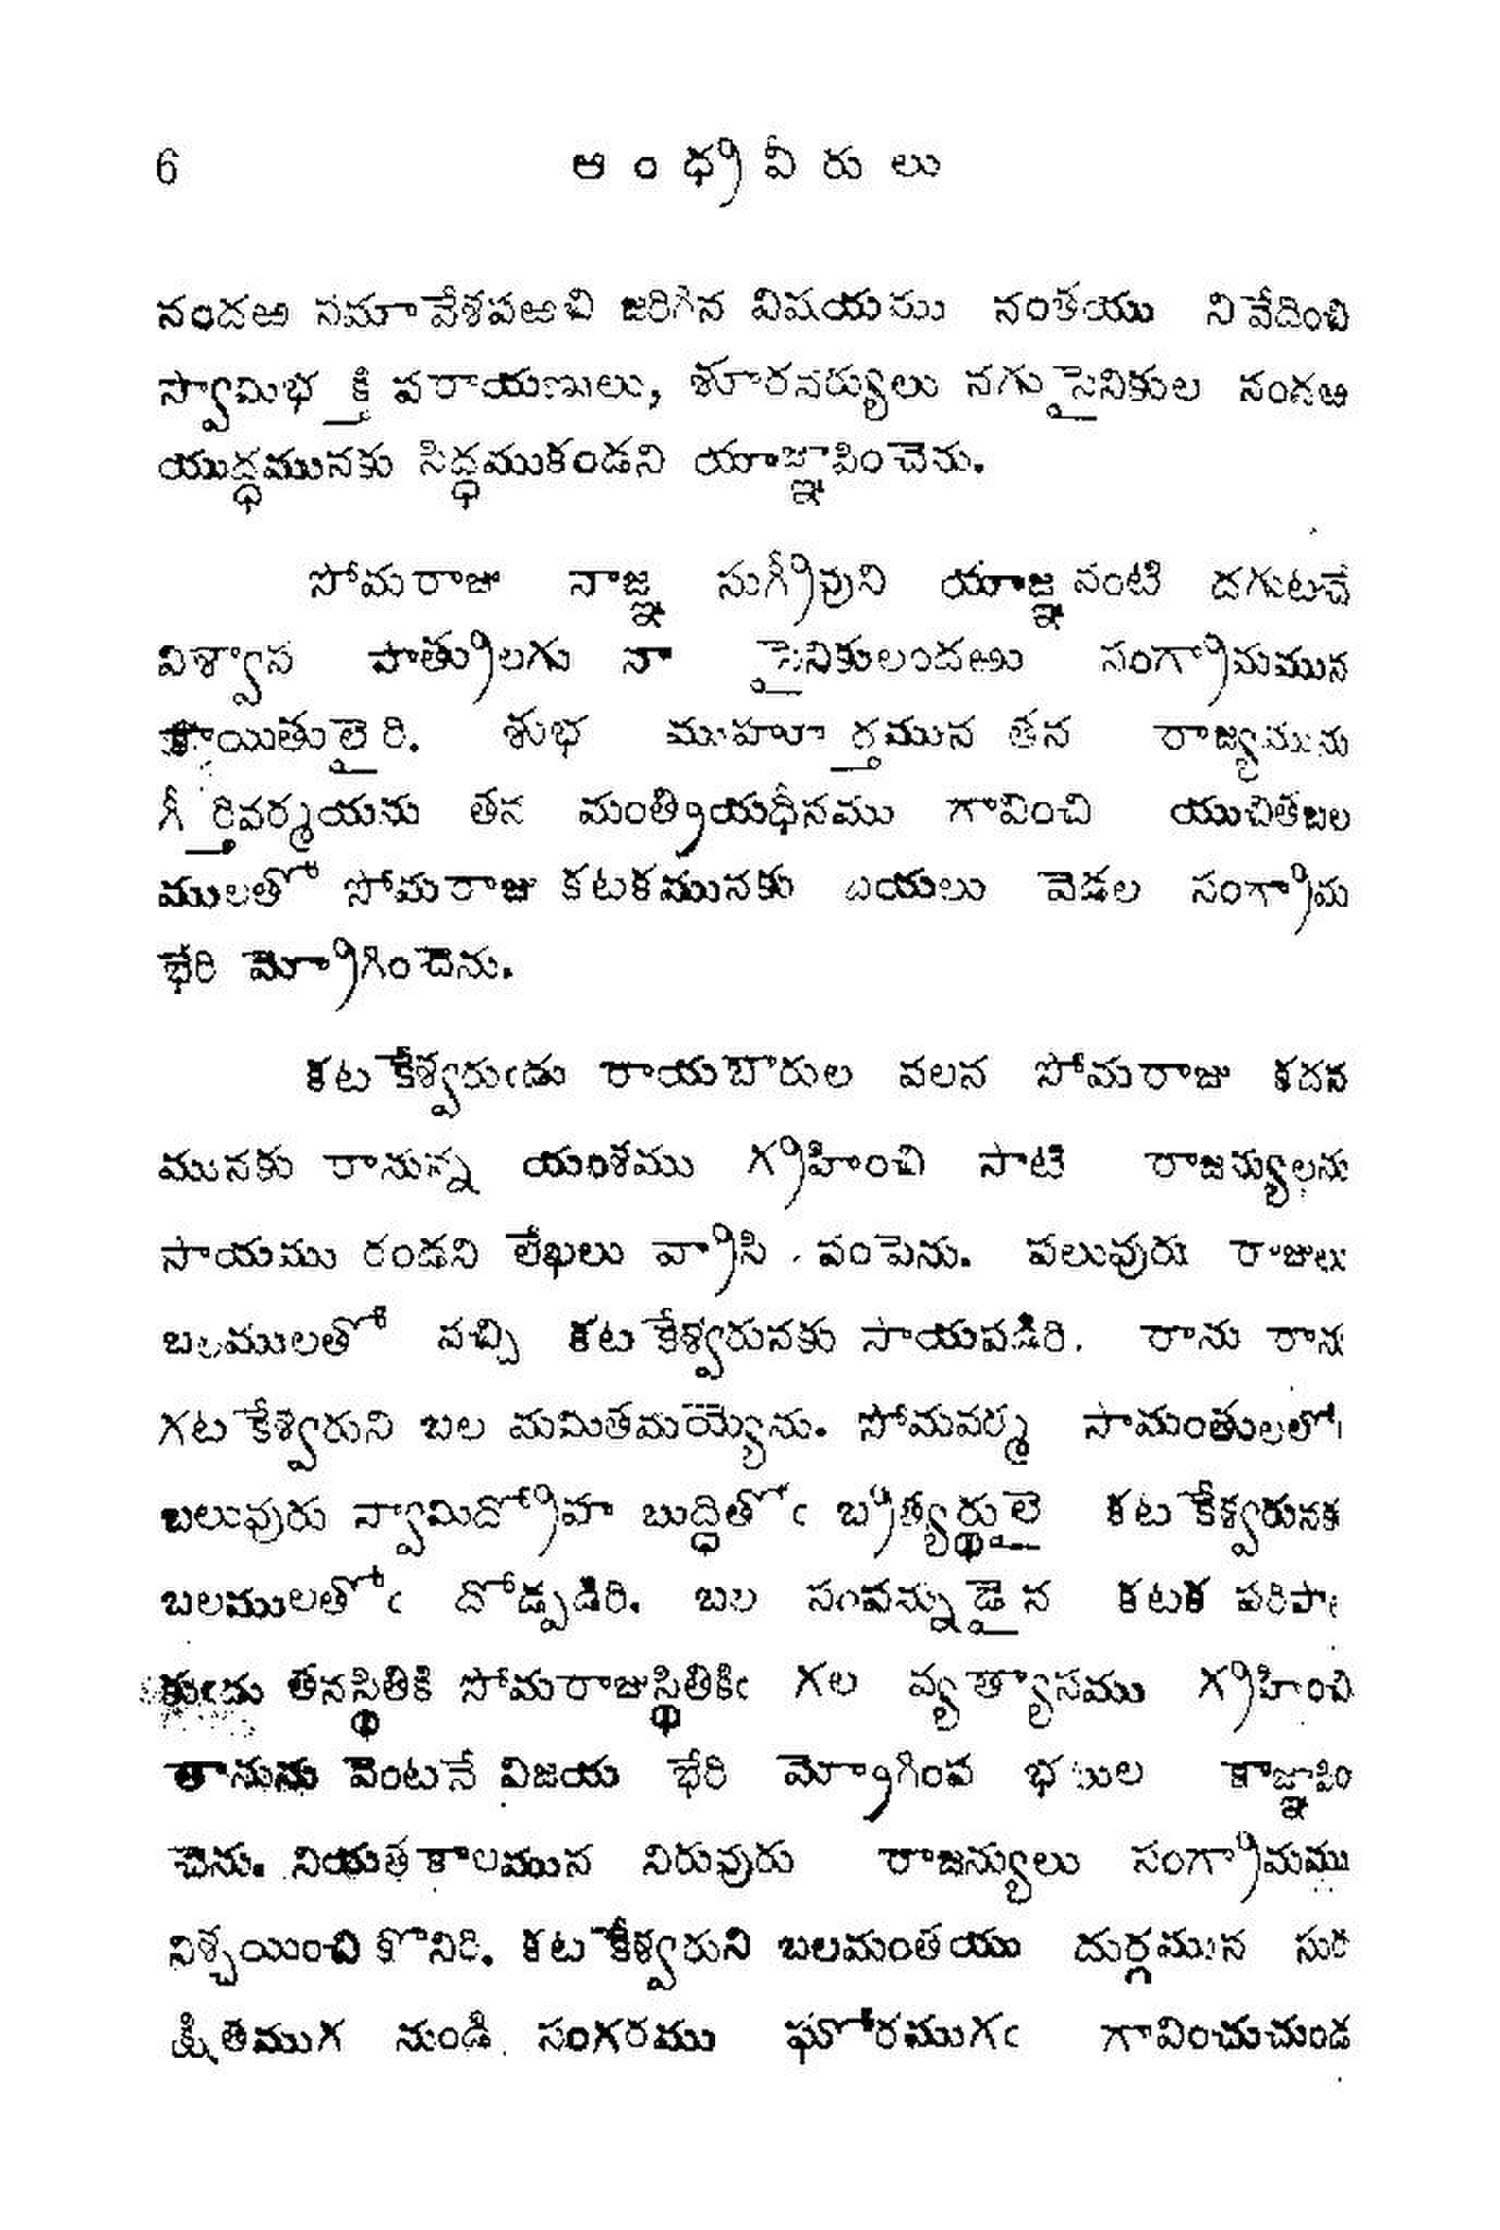నందఱ సమావేశపఱచి జరిగిన విషయము నంతయు నివేదించి స్వామిభక్తి పరాయణులు, శూరవర్యులు నగుసైనికుల నందఱ యుద్ధమునకు సిద్ధముకండని యాజ్ఞాపించెను.

సోమరాజు నాజ్ఞ సుగ్రీవుని యాజ్ఞ వంటి దగుటచే విశ్వాస పాత్రులగు నా సైనికులందఱు సంగ్రామమున కాయితులైరి. శుభ ముహూర్తమున తన రాజ్యమును గీర్తివర్మయను తన మంత్రియధీనము గావించి యుచితబలములతో సోమరాజు కటకమునకు బయలు వెడల సంగ్రామ భేరి మ్రోగించెను.

కటకేశ్వరుడు రాయబారుల వలన సోమరాజు కదనమునకు రానున్న యంశము గ్రహించి సాటి రజన్యులను సాయము రండని లేఖలు వ్రాసి పంపెను. పలువురు రాజులు బలములతో వచ్చి కటకేశ్వరునకు సాయపడిరి. రాను రాను గటకేశ్వరుని బల మమితమయ్యెను. సోమవర్మ సామంతులలో బలువురు స్వామిద్రోహ బుద్ధితో బ్రత్యర్థులై కటకేశ్వరునకు బలములతో దోడ్పడిరి. బల సంపన్నుడైన కటక పరిపాలకుడు తనస్థితికి సోమరాజుస్థితికి గల వ్యత్యాసము గ్రహించి తానును వెంటనే విజయ భేరి మ్రోగింప భటుల కాజ్ఞాపించెను. నియతకాలమున నిరువురు రాజన్యులు సంగ్రామము నిశ్చయించి కొనిరి. కటకేశ్వరుని బలమంతయు దుర్గమున సురక్షితముగ నుండి సంగరము ఘోరముగ గావించుచుండ